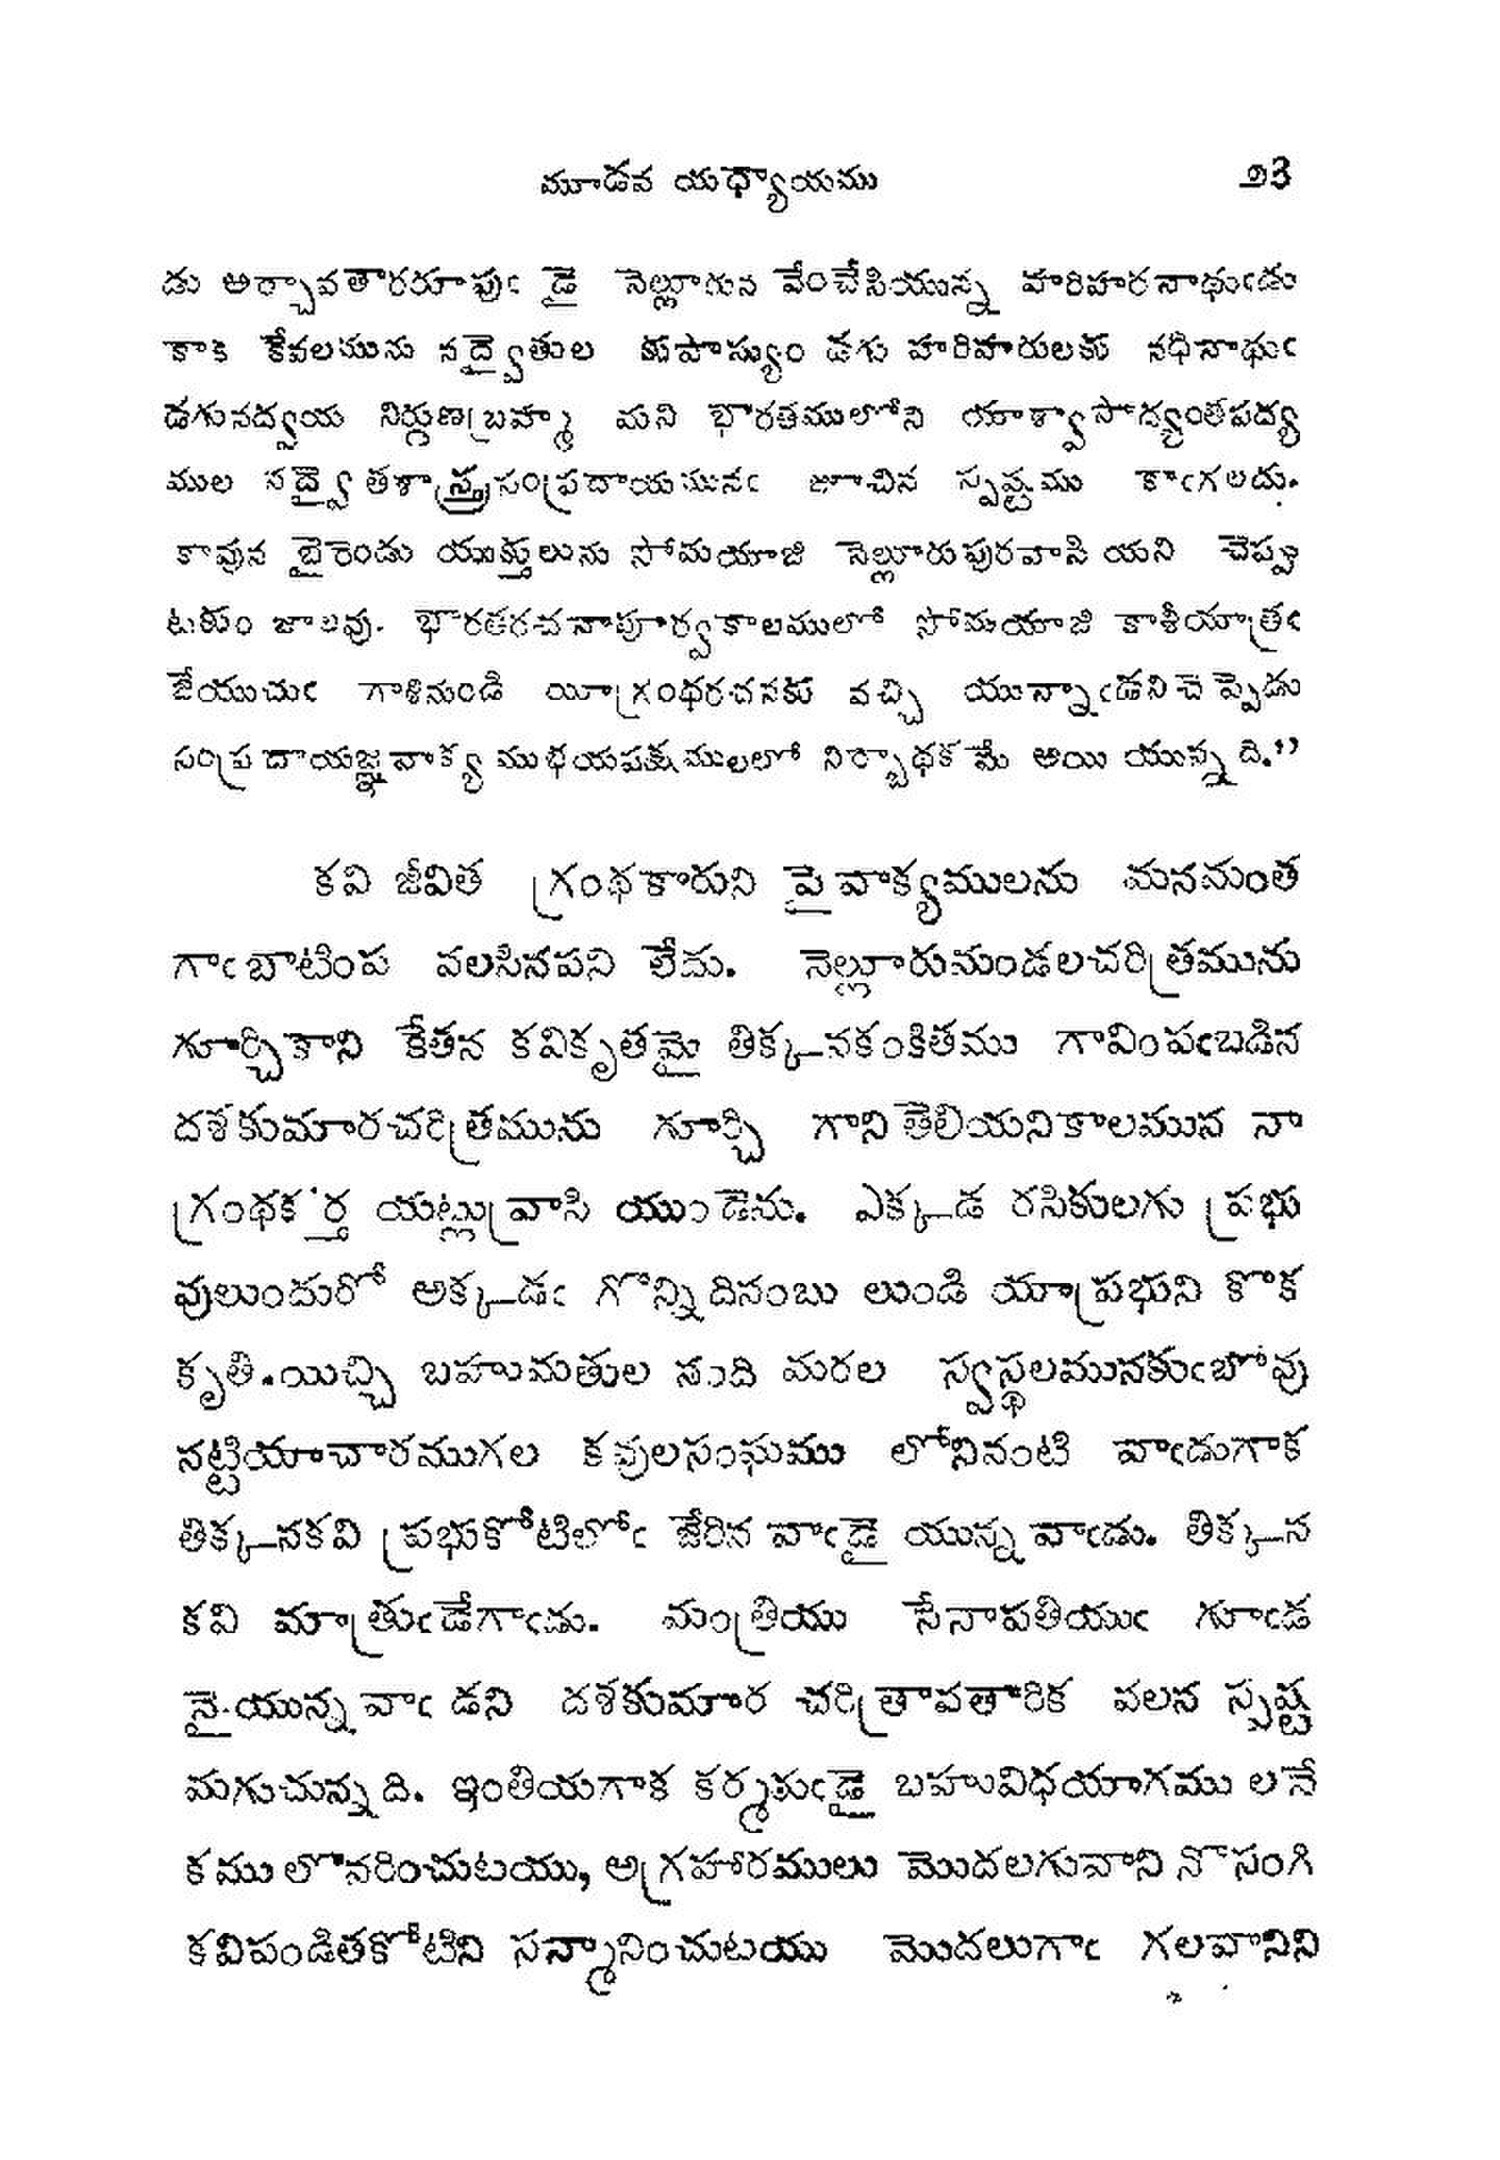డు అర్చావతారరూపుఁ డై నెల్లూరున వేంచేసియున్న హరిహరనాథుఁడు కాక కేవలమును నద్వైతుల కుపాస్యుం డగు హరిహరులకు నధినాథుఁ డగునద్వయ నిర్గుణబ్రహ్మ మని భారతములోని యాశ్వాసాద్యంతపద్యముల నద్వైతశాస్త్రసంప్రదాయమునఁ జూచిన స్పష్టము కాఁగలదు. కావున భైరెండు యుక్తులును సోమయాజి నెల్లూరుపురవాసి యని చెప్పుటకుం జాలవు. భారతరచనాపూర్వకాలములో సోమయాజి కాశీయాత్రఁ జేయుచుఁ గాశినుండి యీగ్రంథరచనకు వచ్చి యున్నాఁడనిచెప్పెడు సంప్రదాయజ్ఞవాక్య ముభయపక్షములలో నిర్బాధకమే అయి యున్నది."

కవి జీవిత గ్రంథకారుని పైవాక్యములను మనమంతగాఁబాటింప వలసినపని లేదు. నెల్లూరుమండలచరిత్రమును గూర్చికాని కేతన కవికృతమై తిక్కనకంకితము గావింపఁబడిన దశకుమారచరిత్రమును గూర్చి గానితెలియనికాలమున నా గ్రంథకర్త యట్లువ్రాసి యుండెను. ఎక్కడ రసికులగు ప్రభువులుందురో అక్కడఁ గొన్నిదినంబు లుండి యాప్రభుని కొక కృతి యిచ్చి బహుమతుల నంది మరల స్వస్థలమునకుఁబోవు నట్టియాచారముగల కవులసంఘము లోనివంటి వాఁడుగాక తిక్కనకవి ప్రభుకోటిలోఁ జేరిన వాఁడై యున్నవాఁడు. తిక్కనకవి మాత్రుఁడేగాఁడు. మంత్రియు సేనాపతియుఁ గూఁడ నై యున్నవాఁ డని దశకుమార చరిత్రావతారిక వలన స్పష్ట మగుచున్నది. ఇంతియగాక కర్మకుఁడై బహువిధయాగము లనేకము లొనరించుటయు, అగ్రహారములు మొదలగువాని నొసంగి కవిపండితకోటిని సన్మానించుటయు మొదలుగా గలవానిని